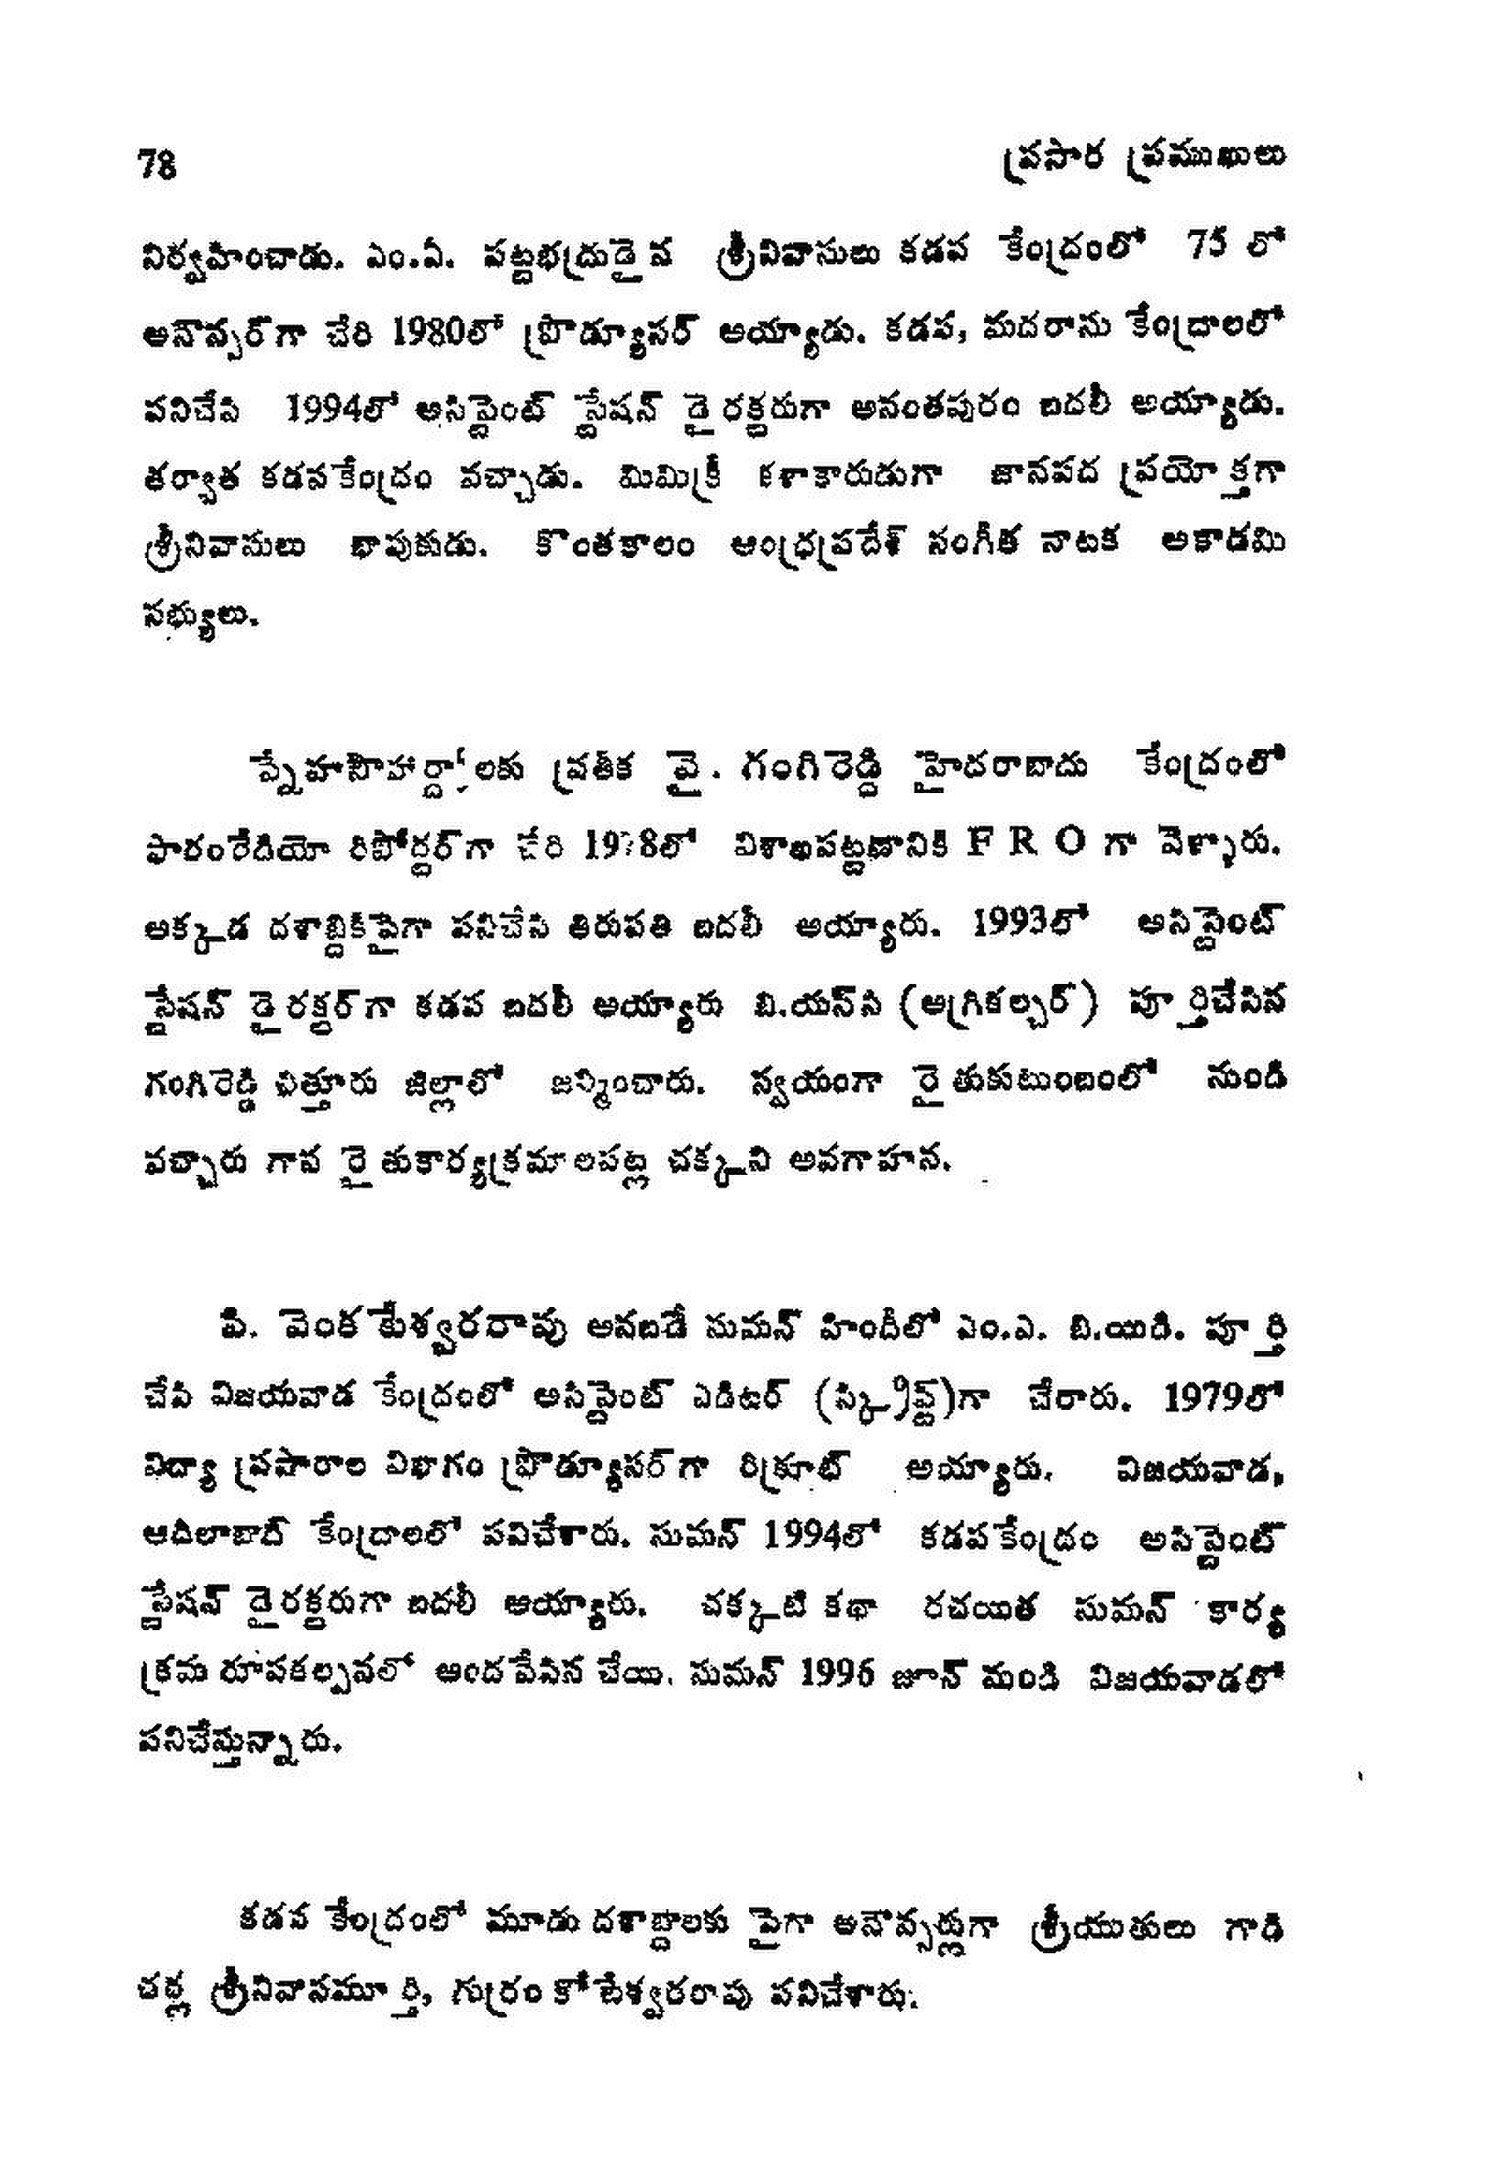నిర్వహించాడు, ఎం.ఏ. పట్టభద్రుడైన శ్రీనివాసులు కడప కేంద్రంలో 75 లో అనౌన్సర్‌గా చేరి 1980లో ప్రొడ్యూసర్ అయ్యాడు. కడప, మదరాసు కేంద్రాలలో పనిచేసి 1994లో అసిస్టెంట్ స్టేషన్ డైరక్టరుగా అనంతపురం బదలీ అయ్యాడు. తర్వాత కడపకేంద్రం వచ్చాడు. మిమిక్రీ కళాకారుడుగా జానపద ప్రయోక్తగా శ్రీనివాసులు భావుకుడు. కొంతకాలం ఆంధ్రప్రదేశ్ సంగీత నాటక అకాడమి సభ్యులు.

స్నేహసౌహార్దాలకు ప్రతీక వై. గంగిరెడ్డి హైదరాబాదు కేంద్రంలో ఫారంరేడియో రిపోర్టర్‌గా చేరి 1978లో విశాఖపట్టాణానికి F.R.O గా వెళ్ళారు. అక్కడ దశాబ్దికిపైగా పనిచేసి తిరుపతి బదలీ అయ్యారు. 1993లో అసిస్టెంట్ స్టేషన్ డైరక్టర్‌గా కడప బదలీ అయ్యారు. బి.యస్‌సి. (అగ్రికల్చర్) పూర్తిచేసిన గంగిరెడ్డి చిత్తూరు జిల్లాలో జన్మించారు. స్వయంగా రైతుకుటుంబంలో నుండి వచ్చారు గాన రైతు కార్యక్రమాలపట్ల చక్కని అవగాహన.

పి. వెంకటేశ్వరరావు అనబడే సుమన్ హిందీలో ఎం.ఏ., బి.యిడి. పూర్తిచేసి విజయవాడ కేంద్రంలో అసిస్టెంట్ ఎడిటర్ (స్క్రిప్ట్)గా చేరారు. 1979లో విద్యా ప్రసారాల విభాగం ప్రొడ్యూసర్ గా రిక్రూట్ అయ్యారు. విజయవాడ, అదిలాబాద్ కేంద్రాలలో పనిచేశారు. సుమన్ 1994లో కడపకేంద్రం అసిస్టెంట్ స్టేషన్ డైరక్టరుగా బదలీ అయ్యారు. చక్కటి కథా రచయిత సుమన్ కార్యక్రమ రూపకల్పనలో అందవేసిన చేయి. సుమన్ 1996 జూన్ నుండి విజయవాడలో పనిచేస్తున్నారు.

కడప కేంద్రంలో మూడు దశాబ్దాలకు పైగా అనౌన్సర్లుగా శ్రీయుతులు గాడిచర్ల శ్రీనివాసమూర్తి, గుర్రం కోటేశ్వరరావు పనిచేశారు.